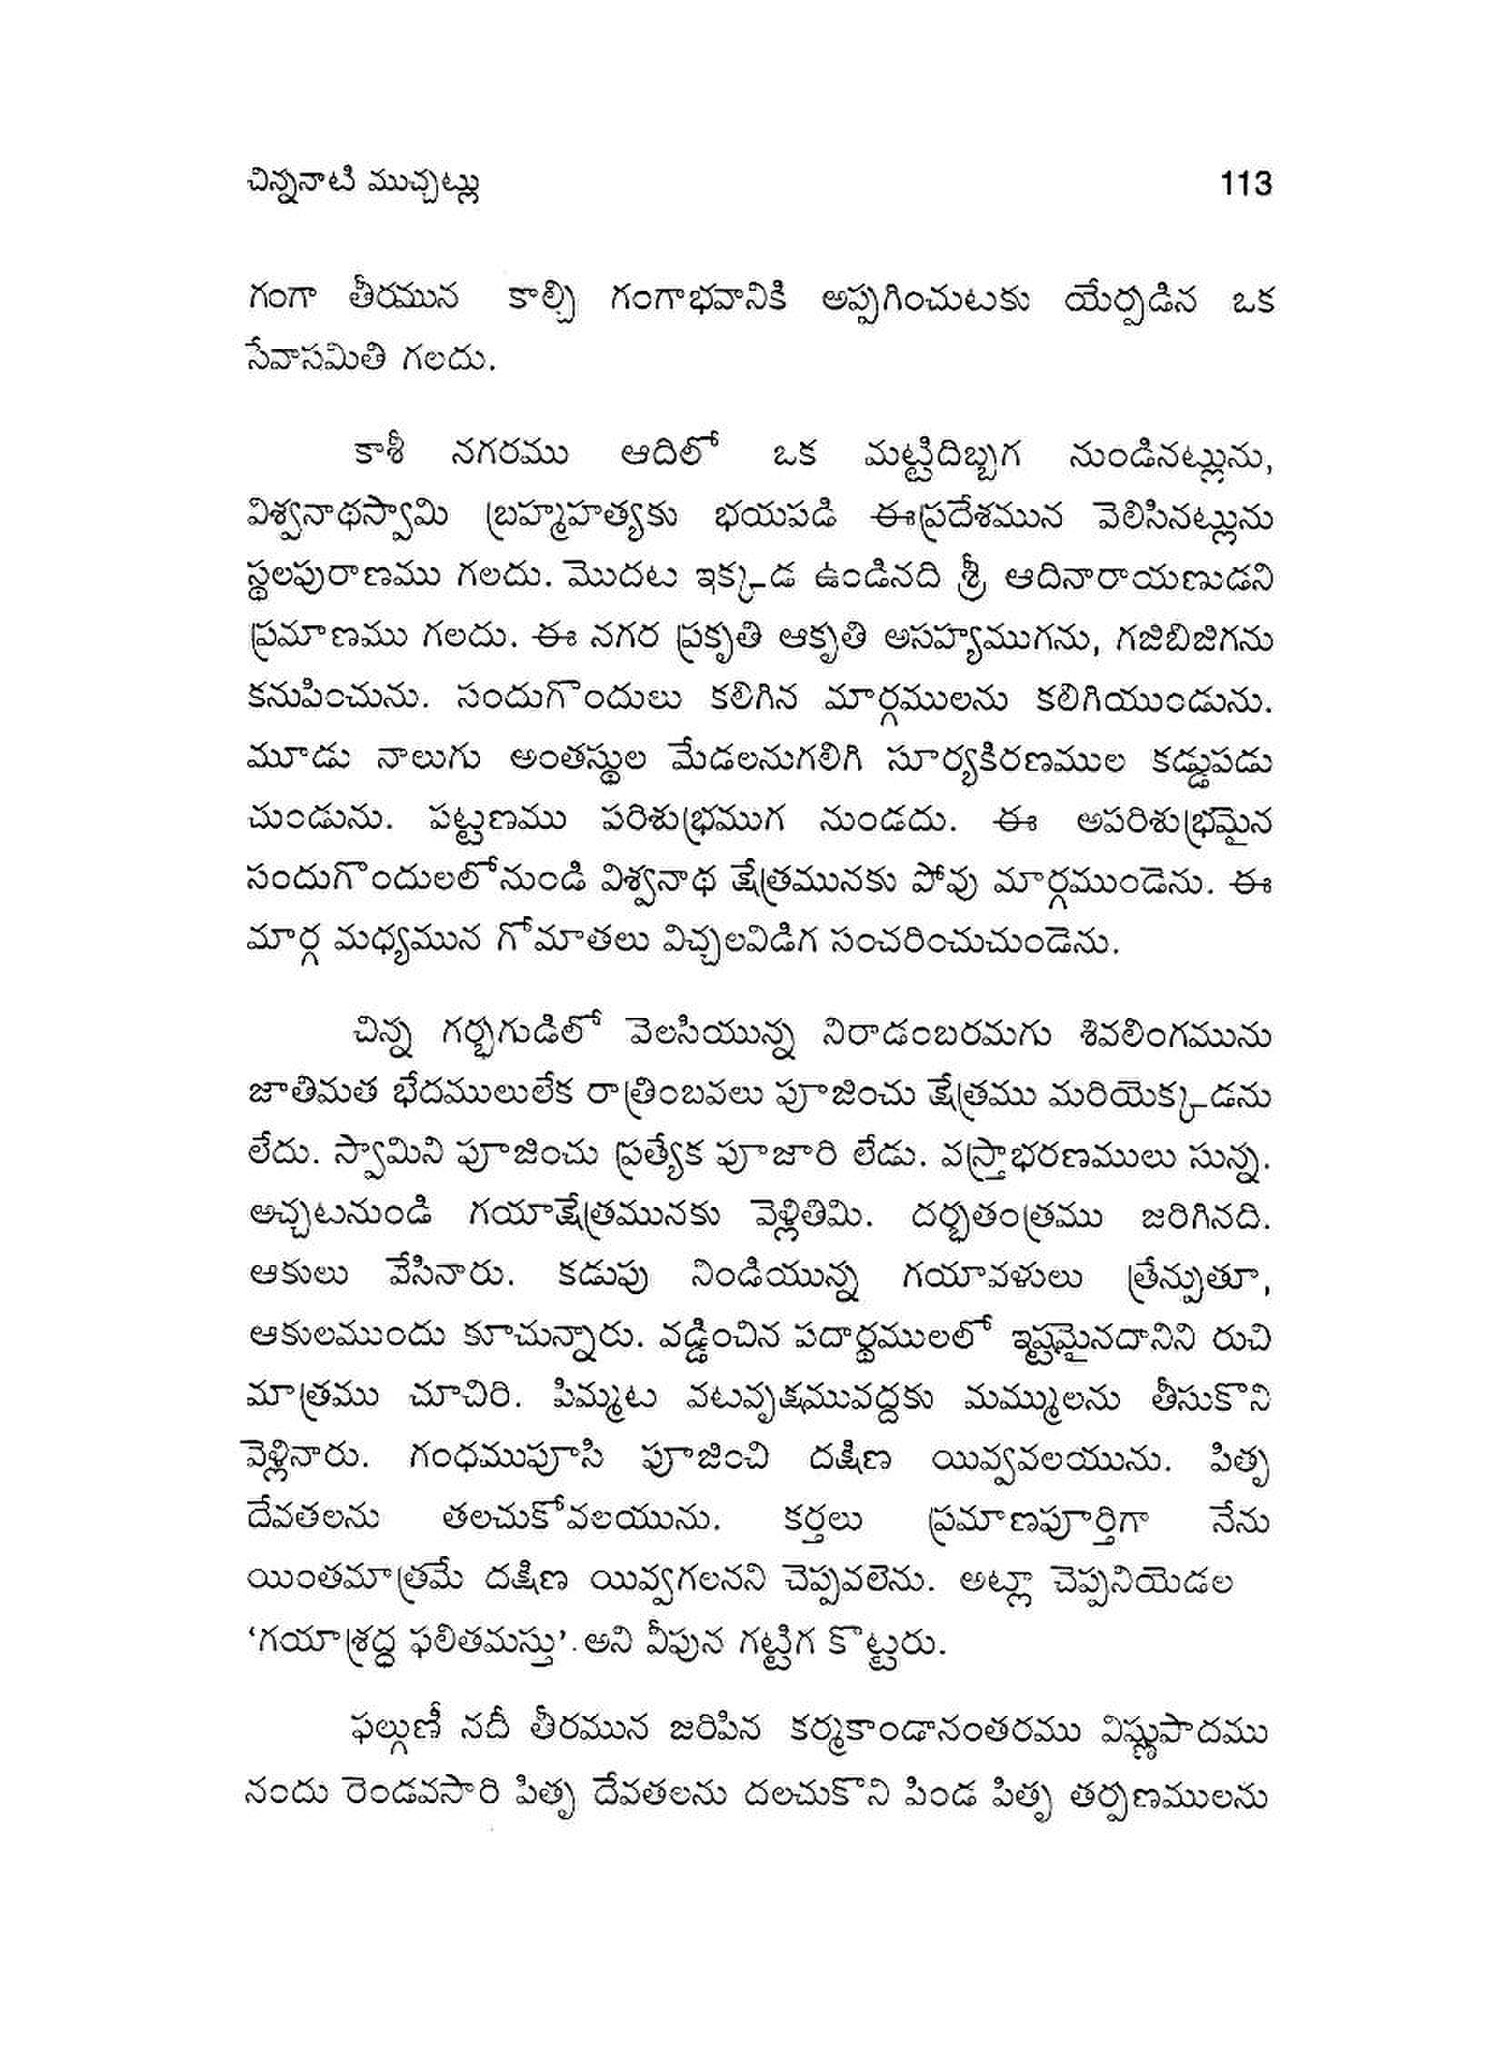గంగా తీరమున కాల్చి గంగాభవానికి అప్పగించుటకు యేర్పడిన ఒక సేవాసమితి గలదు.

కాశీ నగరము ఆదిలో ఒక మట్టిదిబ్బగ నుండినట్లును, విశ్వనాథస్వామి బ్రహ్మహత్యకు భయపడి ఈప్రదేశమున వెలిసినట్లును స్థలపురాణము గలదు. మొదట ఇక్కడ ఉండినది శ్రీ ఆదినారాయణుడని ప్రమాణము గలదు. ఈ నగర ప్రకృతి ఆకృతి అసహ్యముగను, గజిబిజిగను కనుపించును. సందుగొందులు కలిగిన మార్గములను కలిగియుండును. మూడు నాలుగు అంతస్తుల మేడలనుగలిగి సూర్యకిరణముల కడ్డుపడు చుండును. పట్టణము పరిశుభ్రముగ నుండదు. ఈ అపరిశుభ్రమైన సందుగొందులలోనుండి విశ్వనాథ క్షేత్రమునకు పోవు మార్గముండెను. ఈ మార్గ మధ్యమున గోమాతలు విచ్చలవిడిగ సంచరించుచుండెను.

చిన్న గర్భగుడిలో వెలసియున్న నిరాడంబరమగు శివలింగమును జాతిమత భేదములులేక రాత్రింబవలు పూజించు క్షేత్రము మరియొక్కడను లేదు. స్వామిని పూజించు ప్రత్యేక పూజారి లేడు. వస్త్రాభరణములు సున్న. అచ్చటనుండి గయాక్షేత్రమునకు వెళ్లితిమి. దర్భతంత్రము జరిగినది. ఆకులు వేసినారు. కడుపు నిండియున్న గయావళులు త్రేన్పుతూ, ఆకులముందు కూచున్నారు. వడ్డించిన పదార్ధములలో ఇష్టమైనదానిని రుచి మాత్రము చూచిరి. పిమ్మట వటవృక్షమువద్దకు మమ్ములను తీసుకొని వెళ్లినారు. గంధముపూసి పూజించి దక్షిణ యివ్వవలయును. పితృదేవతలను తలచుకోవలయును. కర్తలు ప్రమాణపూర్తిగా నేను యింతమాత్రమే దక్షిణ యివ్వగలనని చెప్పవలెను. అట్లా చెప్పనియెడల 'గయాశ్రద్ధ ఫలితమస్తు' అని వీపున గట్టిగ కొట్టరు.

ఫల్గుణీ నదీ తీరమున జరిపిన కర్మకాండానంతరము విష్ణుపాదము నందు రెండవసారి పితృ దేవతలను దలచుకొని పిండ పితృ తర్పణములను